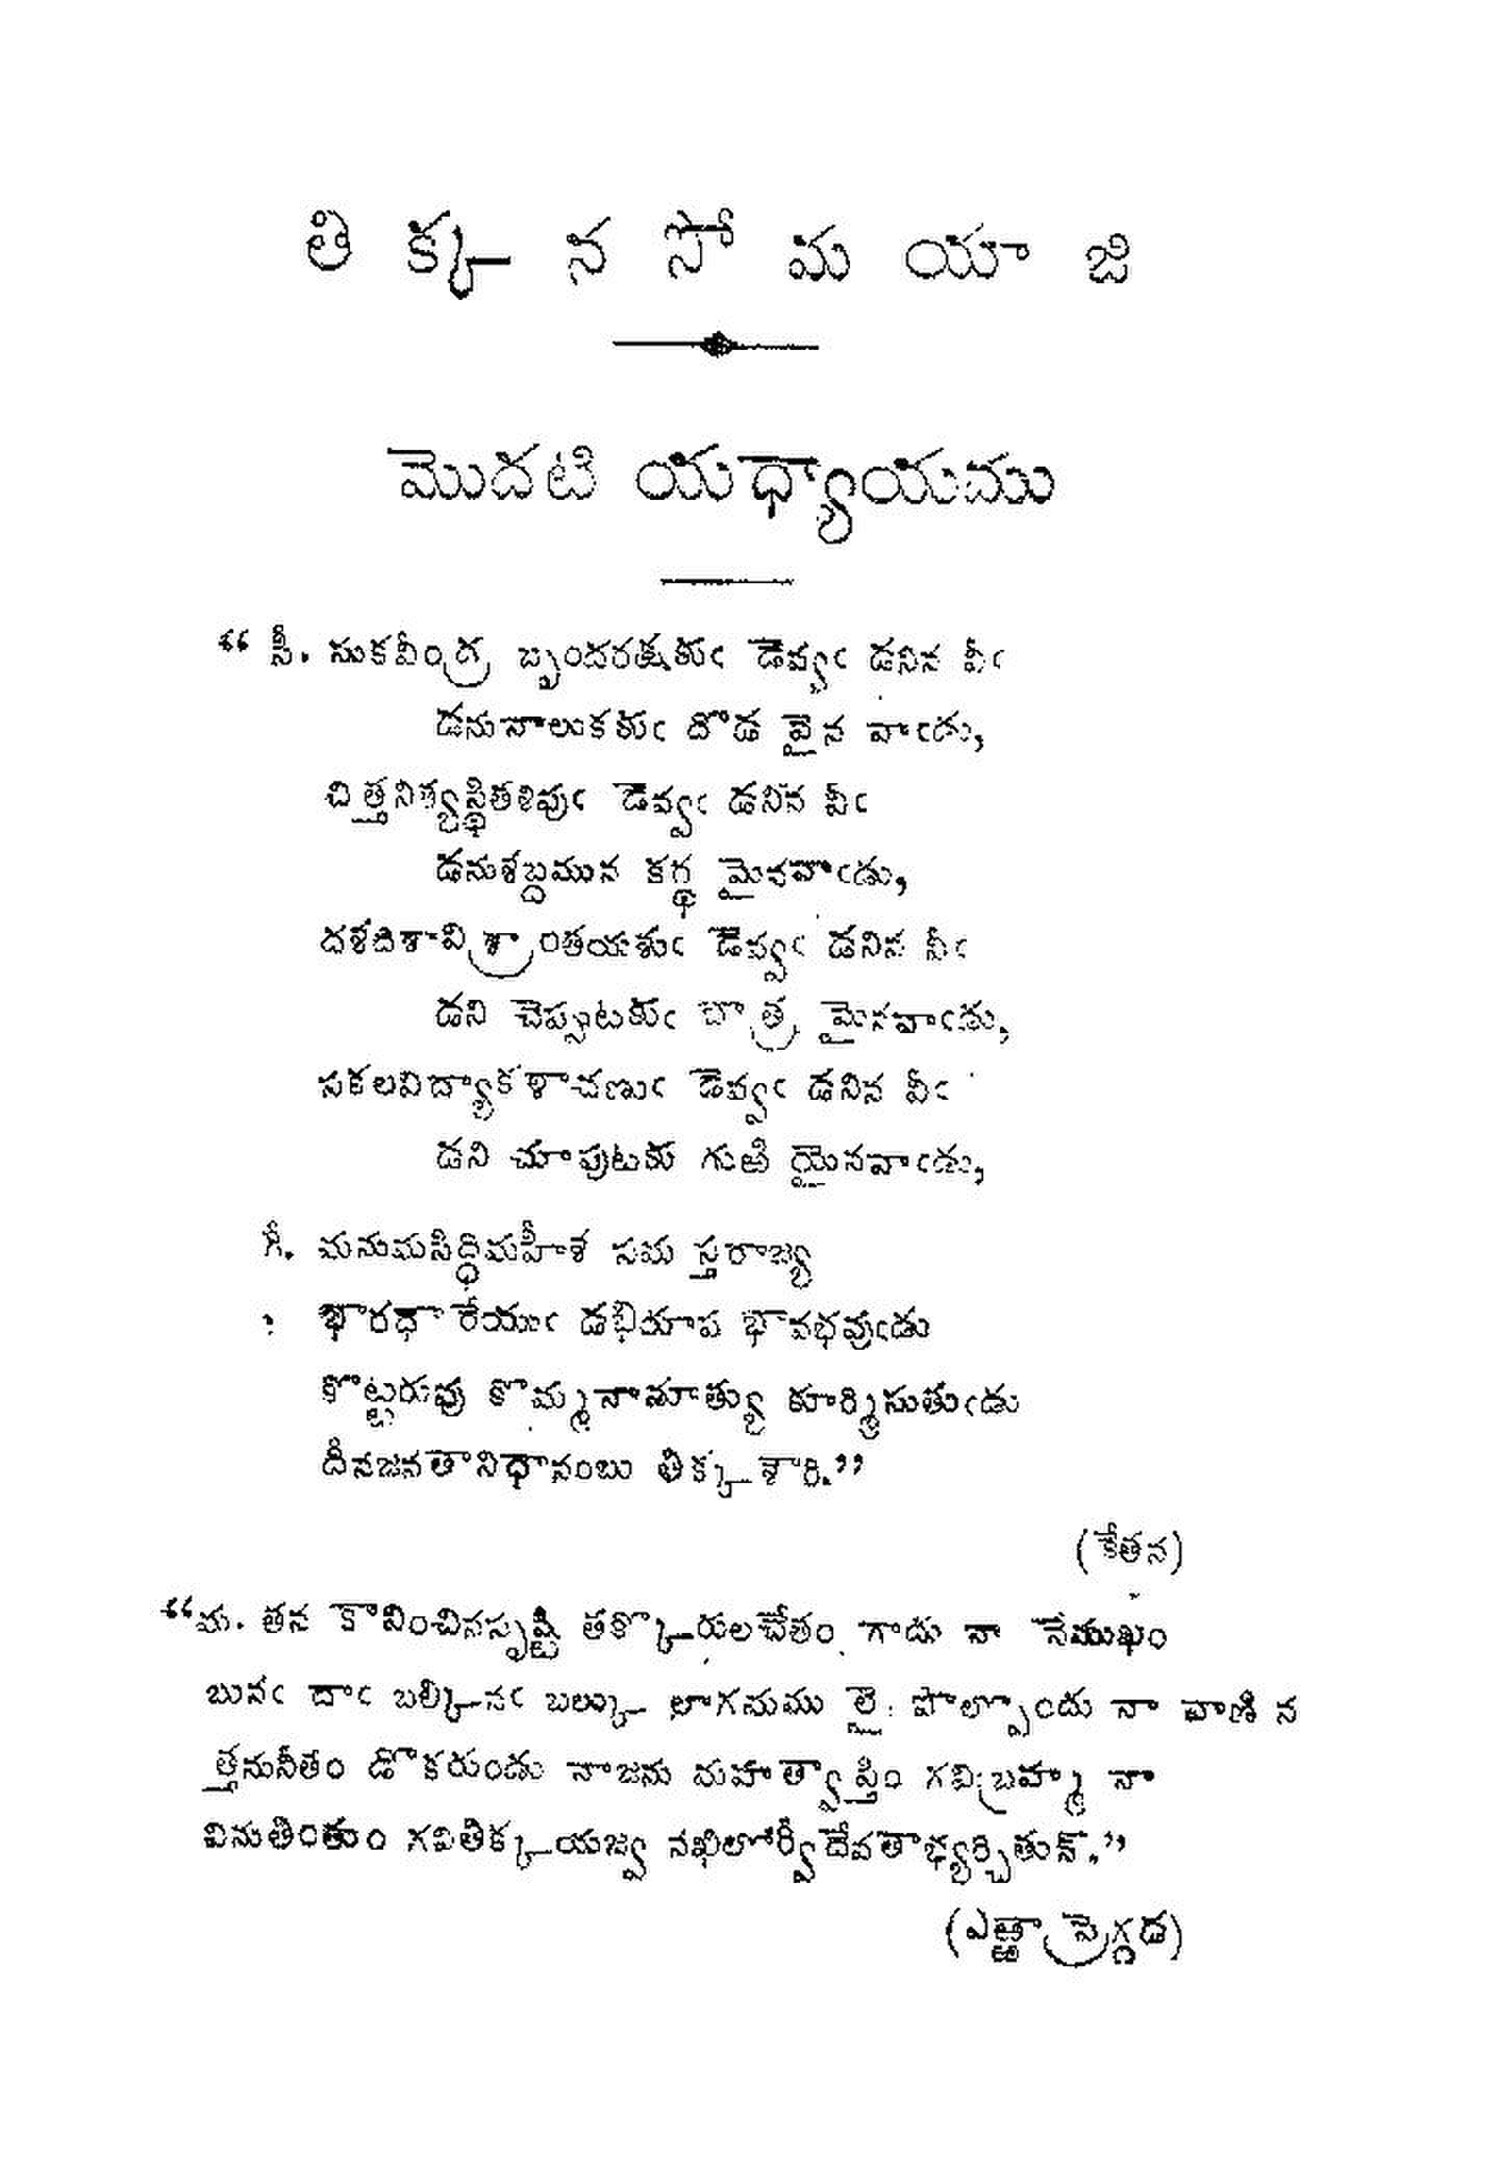తిక్కనసోమయాజి
మొదటి యధ్యాయము

"సీ. సుకవీంద్ర బృందరక్షకుఁ డెవ్వఁ డనిన వీఁ
 డనునాలుకకుఁ దొడ వైన వాఁడు,
 చిత్తనిత్యస్థితశివుఁ డెవ్వఁ డనిన వీఁ 
 డనుశబ్దమున కర్థ మైనవాఁడు,
 దశదిశావిశ్రాంతయశుఁ డెవ్వఁ డనిన వీఁ
 డని చెప్పుటకుఁ బాత్ర మైనవాఁడు,
 సకలవిద్యాకళాచణుఁ డెవ్వఁ డనిన వీఁ
 డని చూపుటకు గుఱి యైనవాఁడు,

గీ. మనుమసిద్ధిమహీశ సమ స్తరాజ్య
 భారధారేయుఁ డభిరూప భావభవుఁడు
 కొట్టరువు కొమ్మనామాత్యు కూర్మిసుతుఁడు
 దీనజనతానిధానంబు తిక్కశౌరి."
 (కేతన)

"మ. తన కావించినసృష్టి తక్కొరులచేతం గాదు నా నేముఖం
 బునఁ దాఁ బల్కినఁ బల్కు లాగమము లై పొల్పొందు నా వాణి న
 త్తనునీతం డొకరుండు నాజను మహత్వాప్తిం గవిబ్రహ్మ నా
 వినుతింతుం గవితిక్కయజ్వ నఖిలోర్వీదేవతాభ్యర్చితున్."
 (ఎఱ్ఱాప్రెగ్గడ)